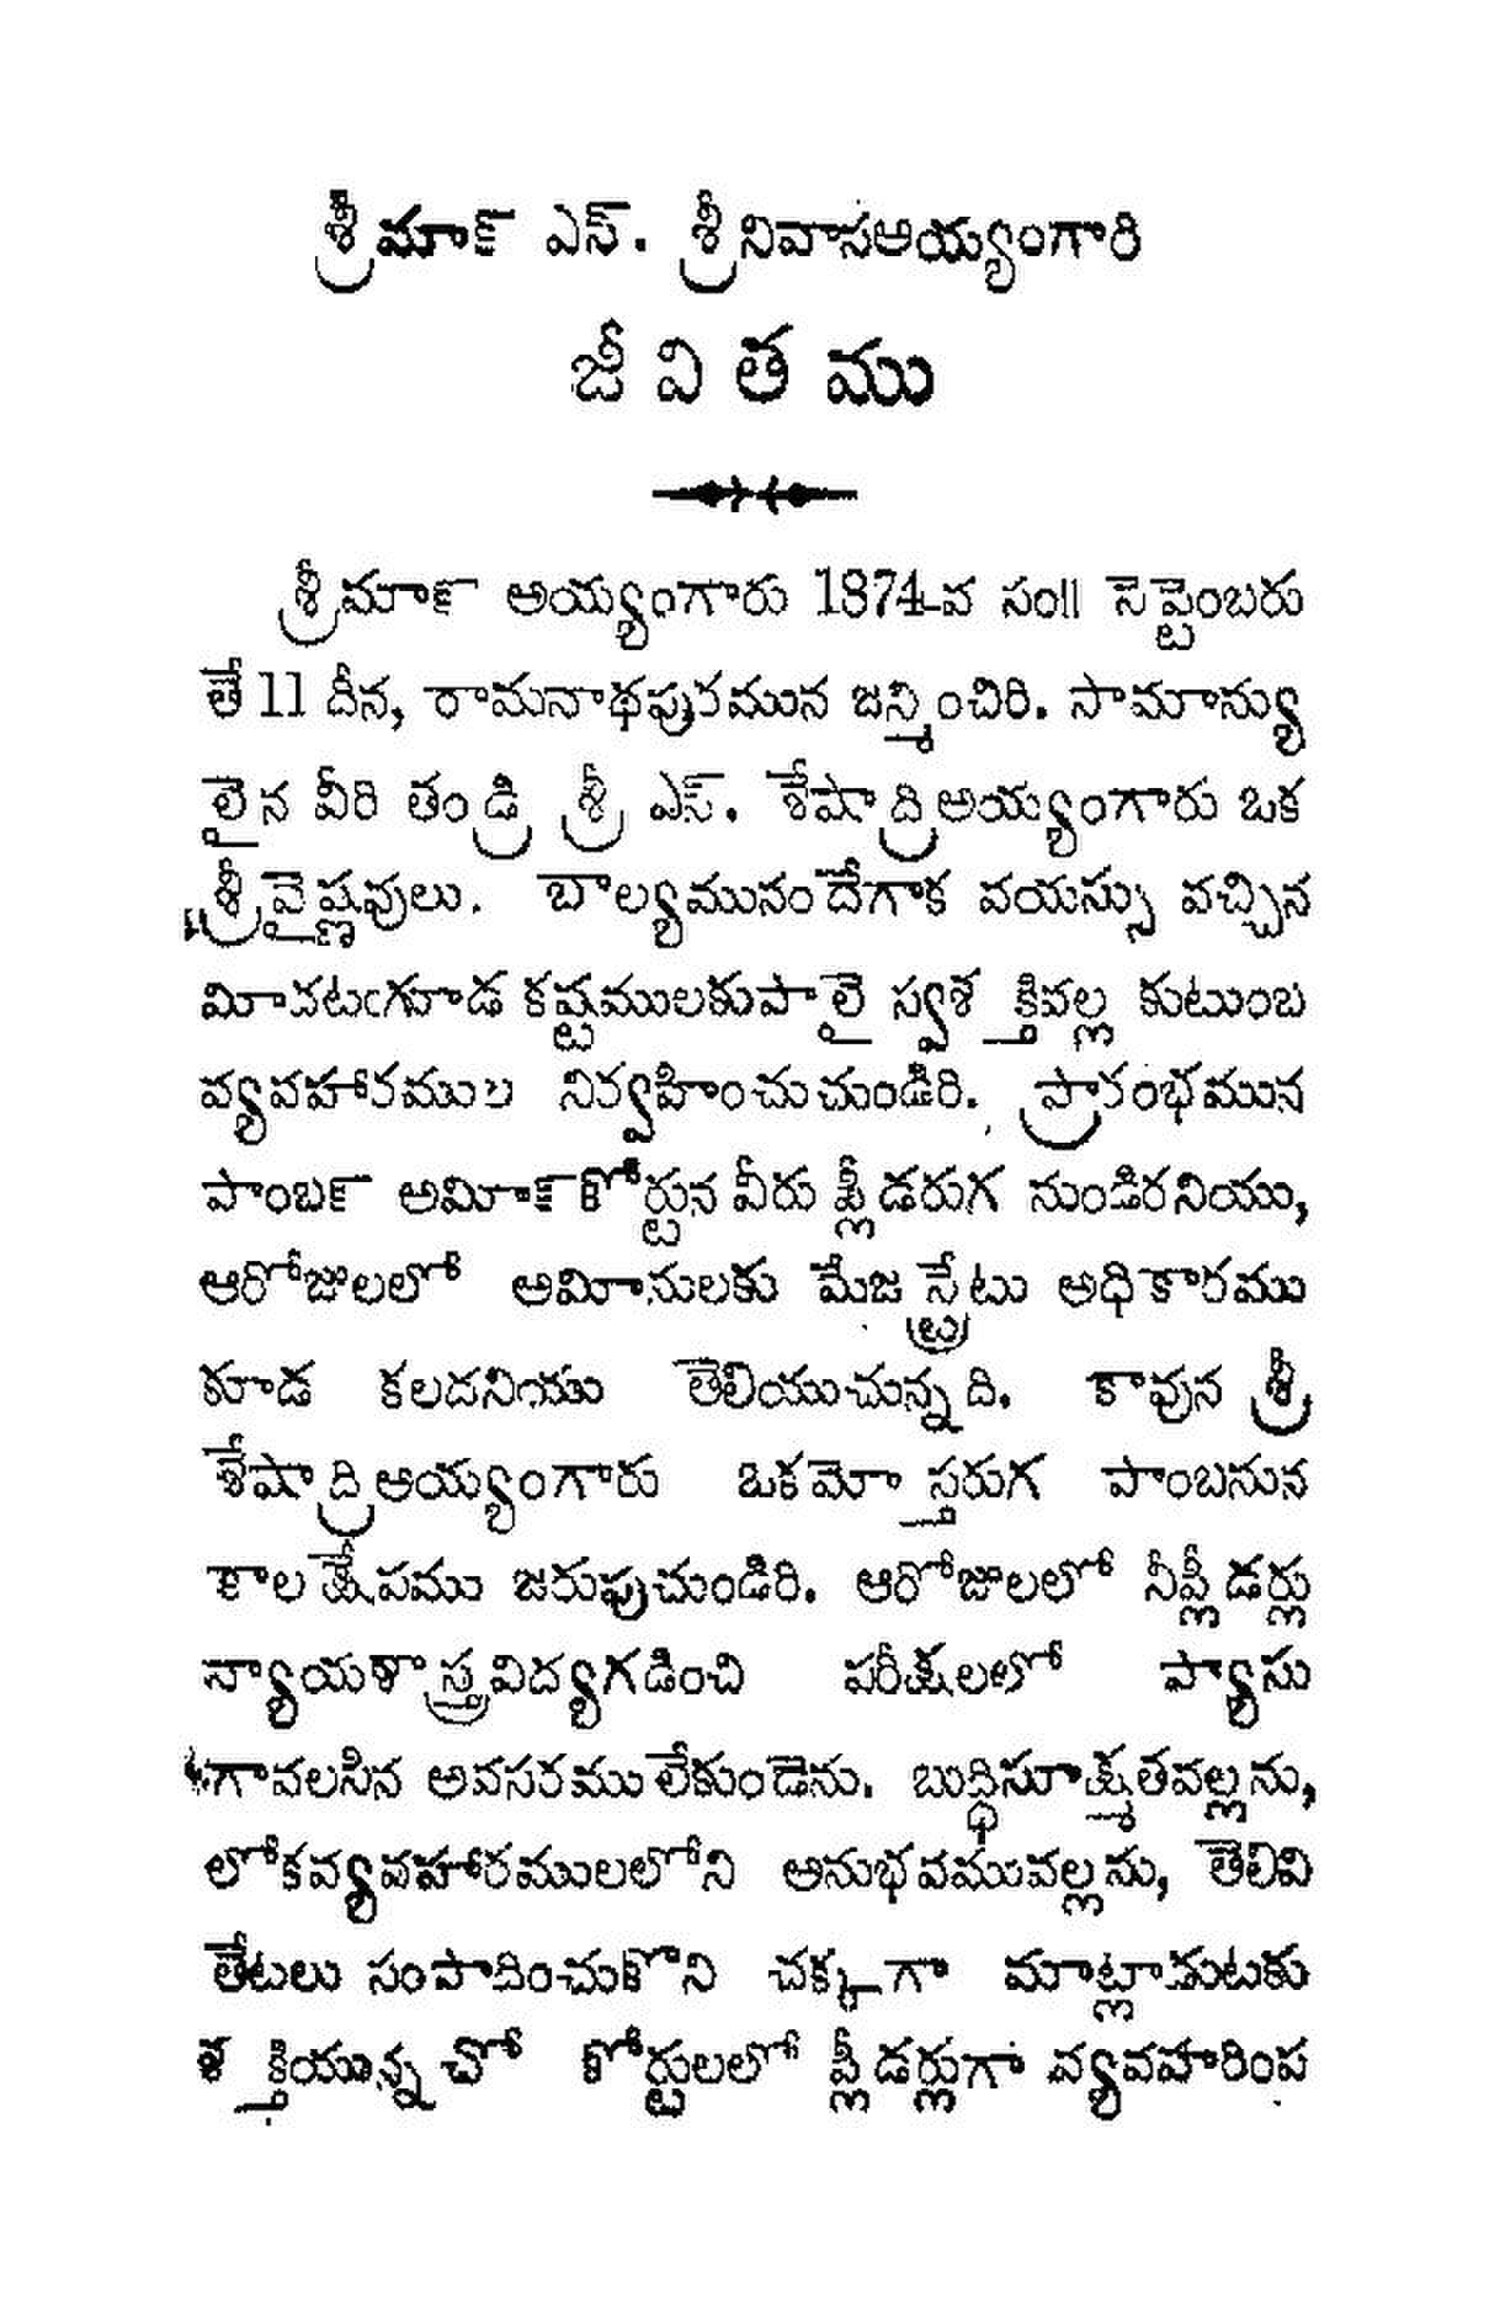శ్రీమా౯ ఎస్. శ్రీనివాసఆయ్యంగారి
జీవితము

శ్రీమా౯ అయ్యంగారు 1874 వ సం!! సెప్టెంబరు తే 11 దీన, రామనాథపురమున జన్మించిరి. సామాన్యులైన వీరి తండ్రి శ్రీ ఎస్. శేషాద్రిఅయ్యంగారు ఒక శ్రీవైష్ణవులు. బాల్యమునందేగాక వయస్సు వచ్చిన మీదటఁగూడ కష్టములకుపాలై స్వశక్తివల్ల కుటుంబ వ్యవహారముల నిర్వహించుచుండిరి. ప్రాంభమున పాంబ౯ అమీ౯కోర్టున వీరు ప్లీడరుగ నుండిరనియు, ఆరోజులలో అమీనులకు మేజస్ట్రేటు అధికారము కూడ కలదనియు తెలియుచున్నది. కావున శ్రీ శేషాద్రిఅయ్యంగారు ఒకమోస్తరుగ పాంబనున కాలక్షేపము జరుపుచుండిరి. ఆరోజులలో నీప్లీడర్లు న్యాయశాస్త్రవిద్యగడించి పరీక్షలలో ప్యాసు గావలసిన అవసరములేకుండెను. బుద్దిసూక్ష్మతవల్లను, లోకవ్యవహారములలోని అనుభవమువల్లను, తెలివి తేటలు సంపాదించుకొని చక్కగా మాట్లాడుటకు శక్తియున్నచో కోర్టులలో ప్లీడర్లుగా వ్యవహరింప